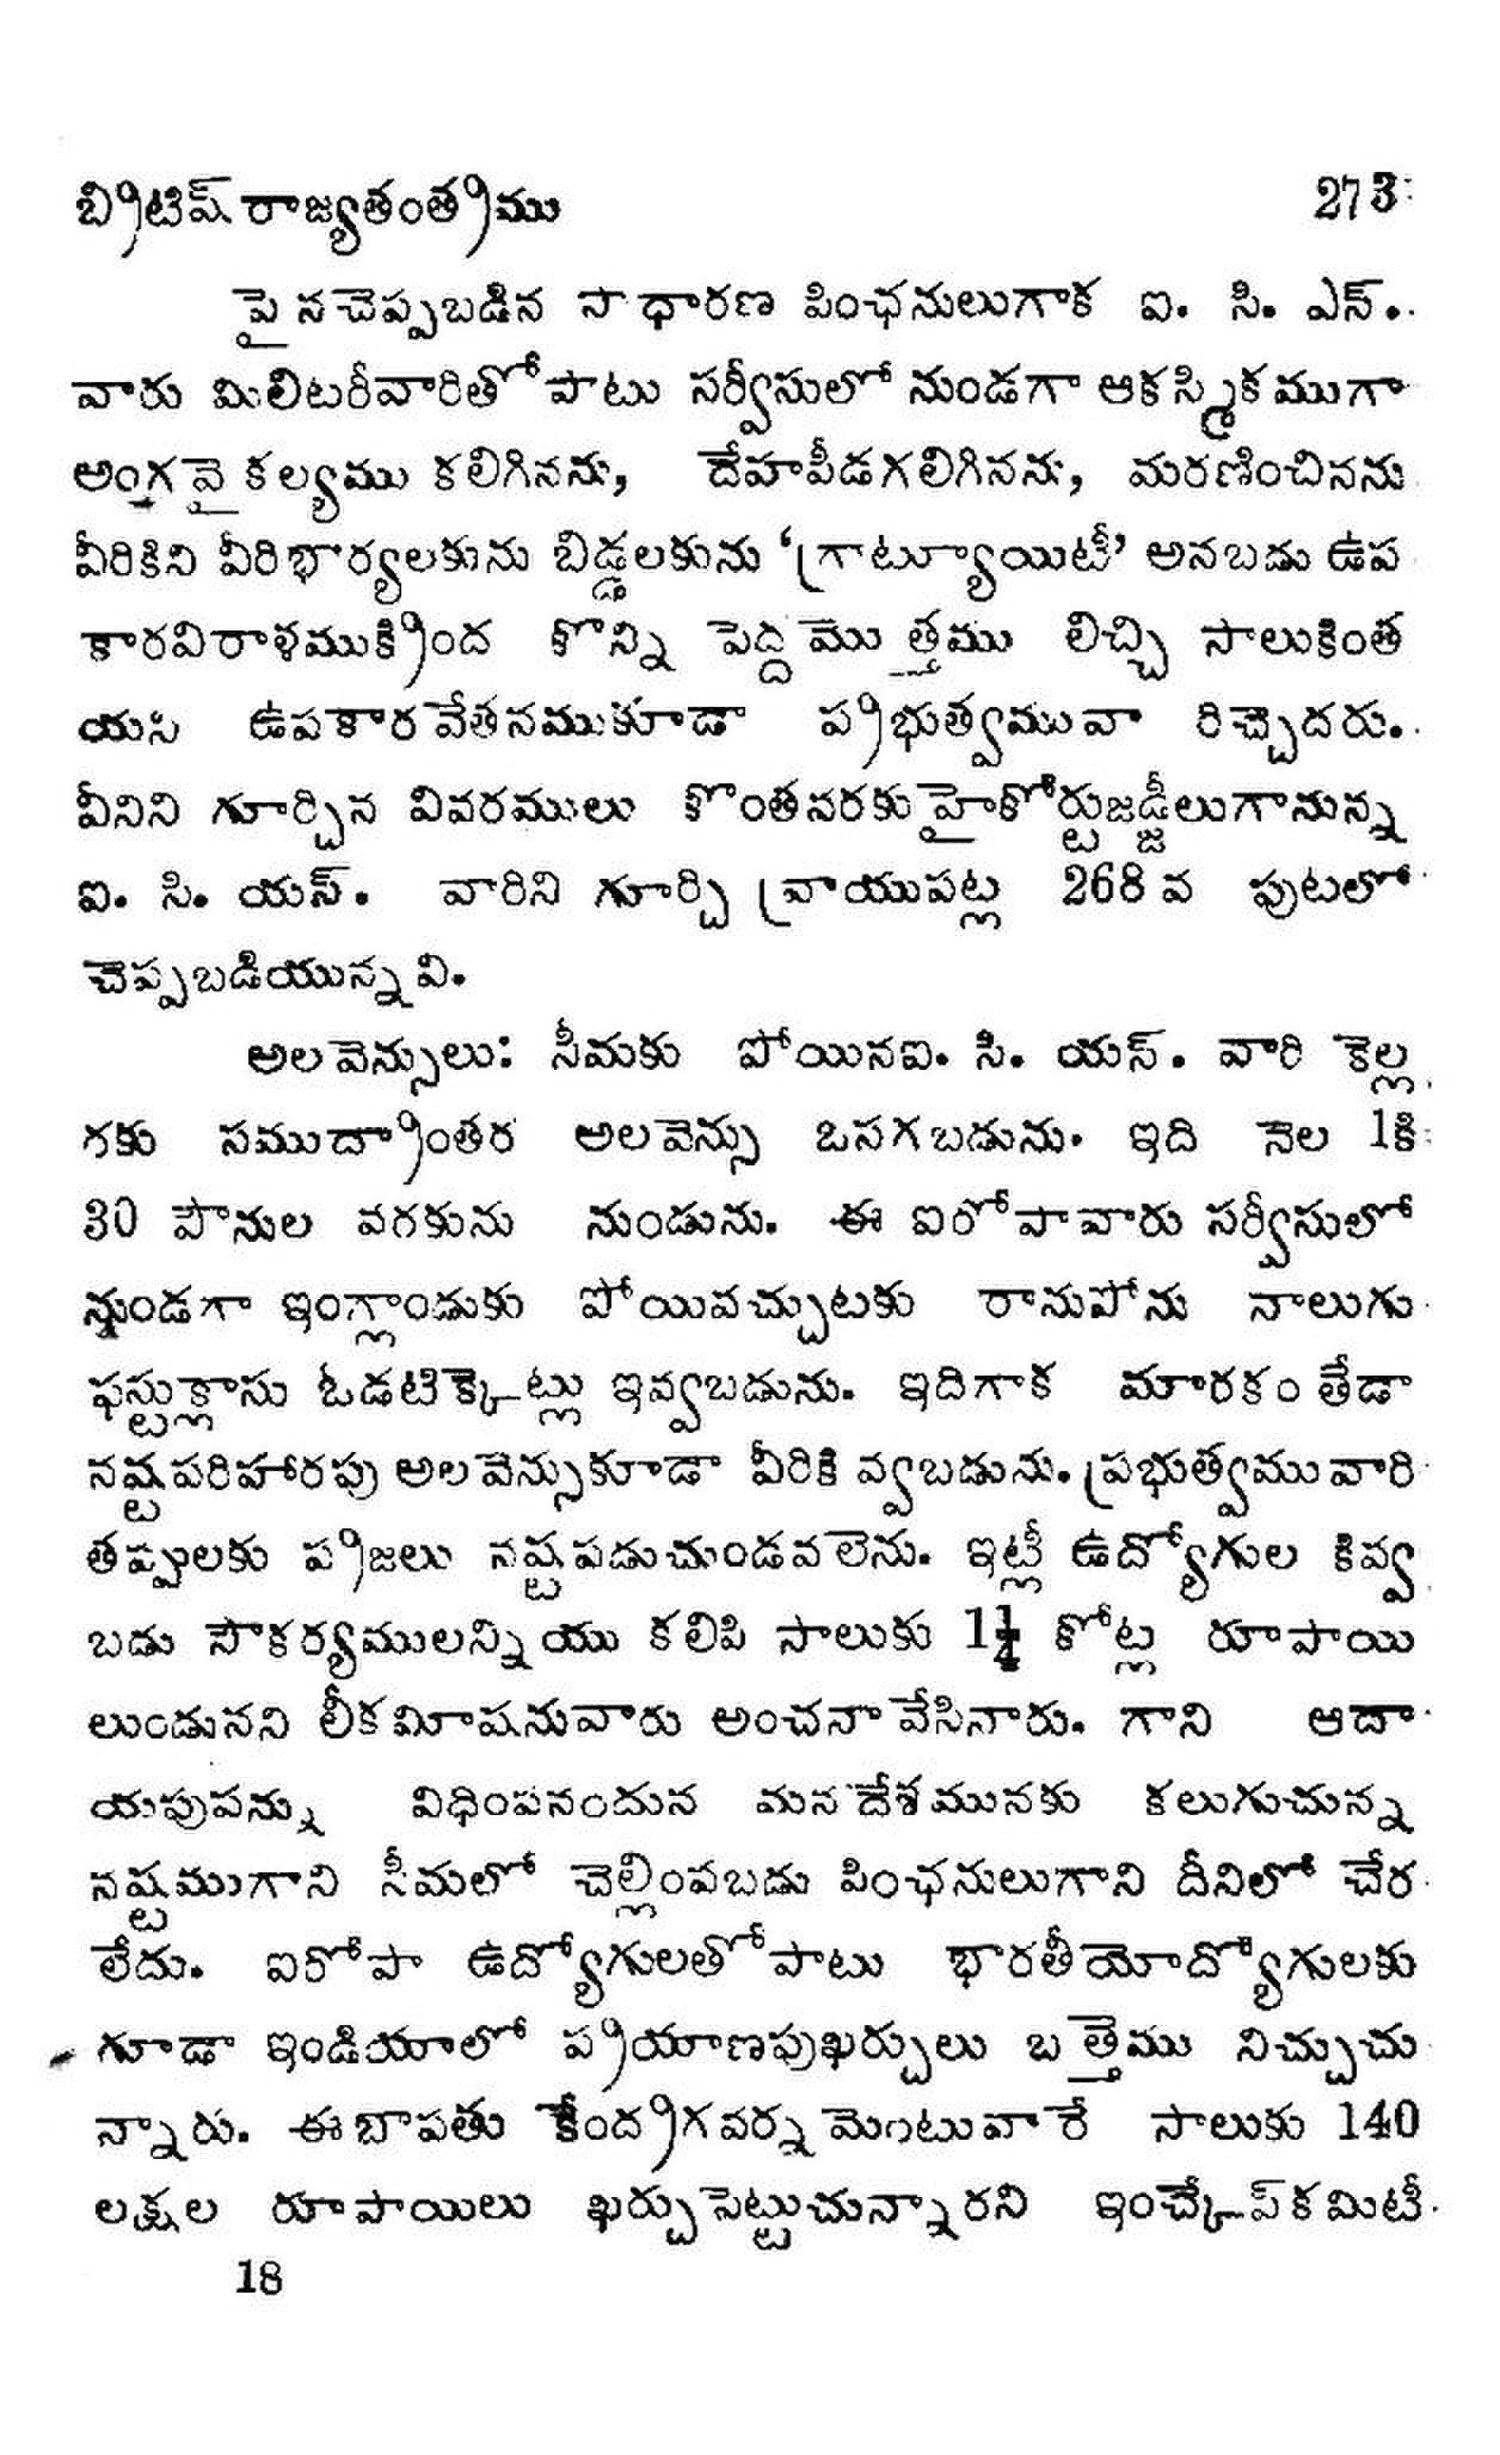పైనచెప్పబడిన సాధారణ పింఛనులుగాక ఐ. సి. ఎస్. వారు మిలిటరీవారితోపాటు సర్వీసులో నుండగా ఆకస్మికముగా అంగవైకల్యము కలిగినను, దేహపీడగలిగినను, మరణించినను వీరికిని వీరిభార్యలకును బిడ్డలకును 'గ్రాట్యూయిటీ' అనబడు ఉపకారవిరాళముక్రింద కొన్ని పెద్దమొత్తము లిచ్చి సాలుకింత యసని ఉపకారవేతనముకూడా ప్రభుత్వమువా రిచ్చెదరు. వీనిని గూర్చిన వివరములు కొంతవరకుహైకోర్టుజడ్జీలుగానున్న ఐ. సి. యస్. వారిని గూర్చి వ్రాయుపట్ల 268 వ పుటలో చెప్పబడియున్నవి.

అలవెన్సులు: సీమకు పోయిన ఐ. సి. యస్. వారి కెల్లరకు సముద్రాంతర అలవెన్సు ఒసగబడును. ఇది నెల 1కి 30 పౌనుల వరకును నుండును. ఈ ఐరోపావారు సర్వీసులో నుండగా ఇంగ్లాండుకు పోయివచ్చుటకు రానుపోను నాలుగు ఫస్టుక్లాసు ఓడటిక్కెట్లు ఇవ్వబడును. ఇదిగాక మారకంతేడా నష్టపరిహారపు అలవెన్సుకూడా వీరికి వ్వబడును. ప్రభుత్వమువారి తప్పులకు ప్రజలు నష్టపడుచుండవలెను. ఇట్లే ఉద్యోగుల కివ్వబడు సౌకర్యములన్నియు కలిపి సాలుకు 1 1/2 కోట్ల రూపాయి లుండునని లీకమిషనువారు అంచనావేసినారు. గాని ఆదాయపుపన్ను విధింపనందున మనదేశమునకు కలుగుచున్న నష్టముగాని సీమలో చెల్లింవబడు పింఛనులుగాని దీనిలో చేరలేదు. ఐరోపా ఉద్యోగులతోపాటు భారతీయోద్యోగులకు గూడా ఇండియాలో ప్రయాణఫుఖర్చులు బత్తెము నిచ్చుచున్నారు. ఈబాపతు కేంద్రగవర్నమెంటువారే సాలుకు 140 లక్షల రూపాయిలు ఖర్చుపెట్టుచున్నారని ఇంచ్కేప్‌కమిటీ